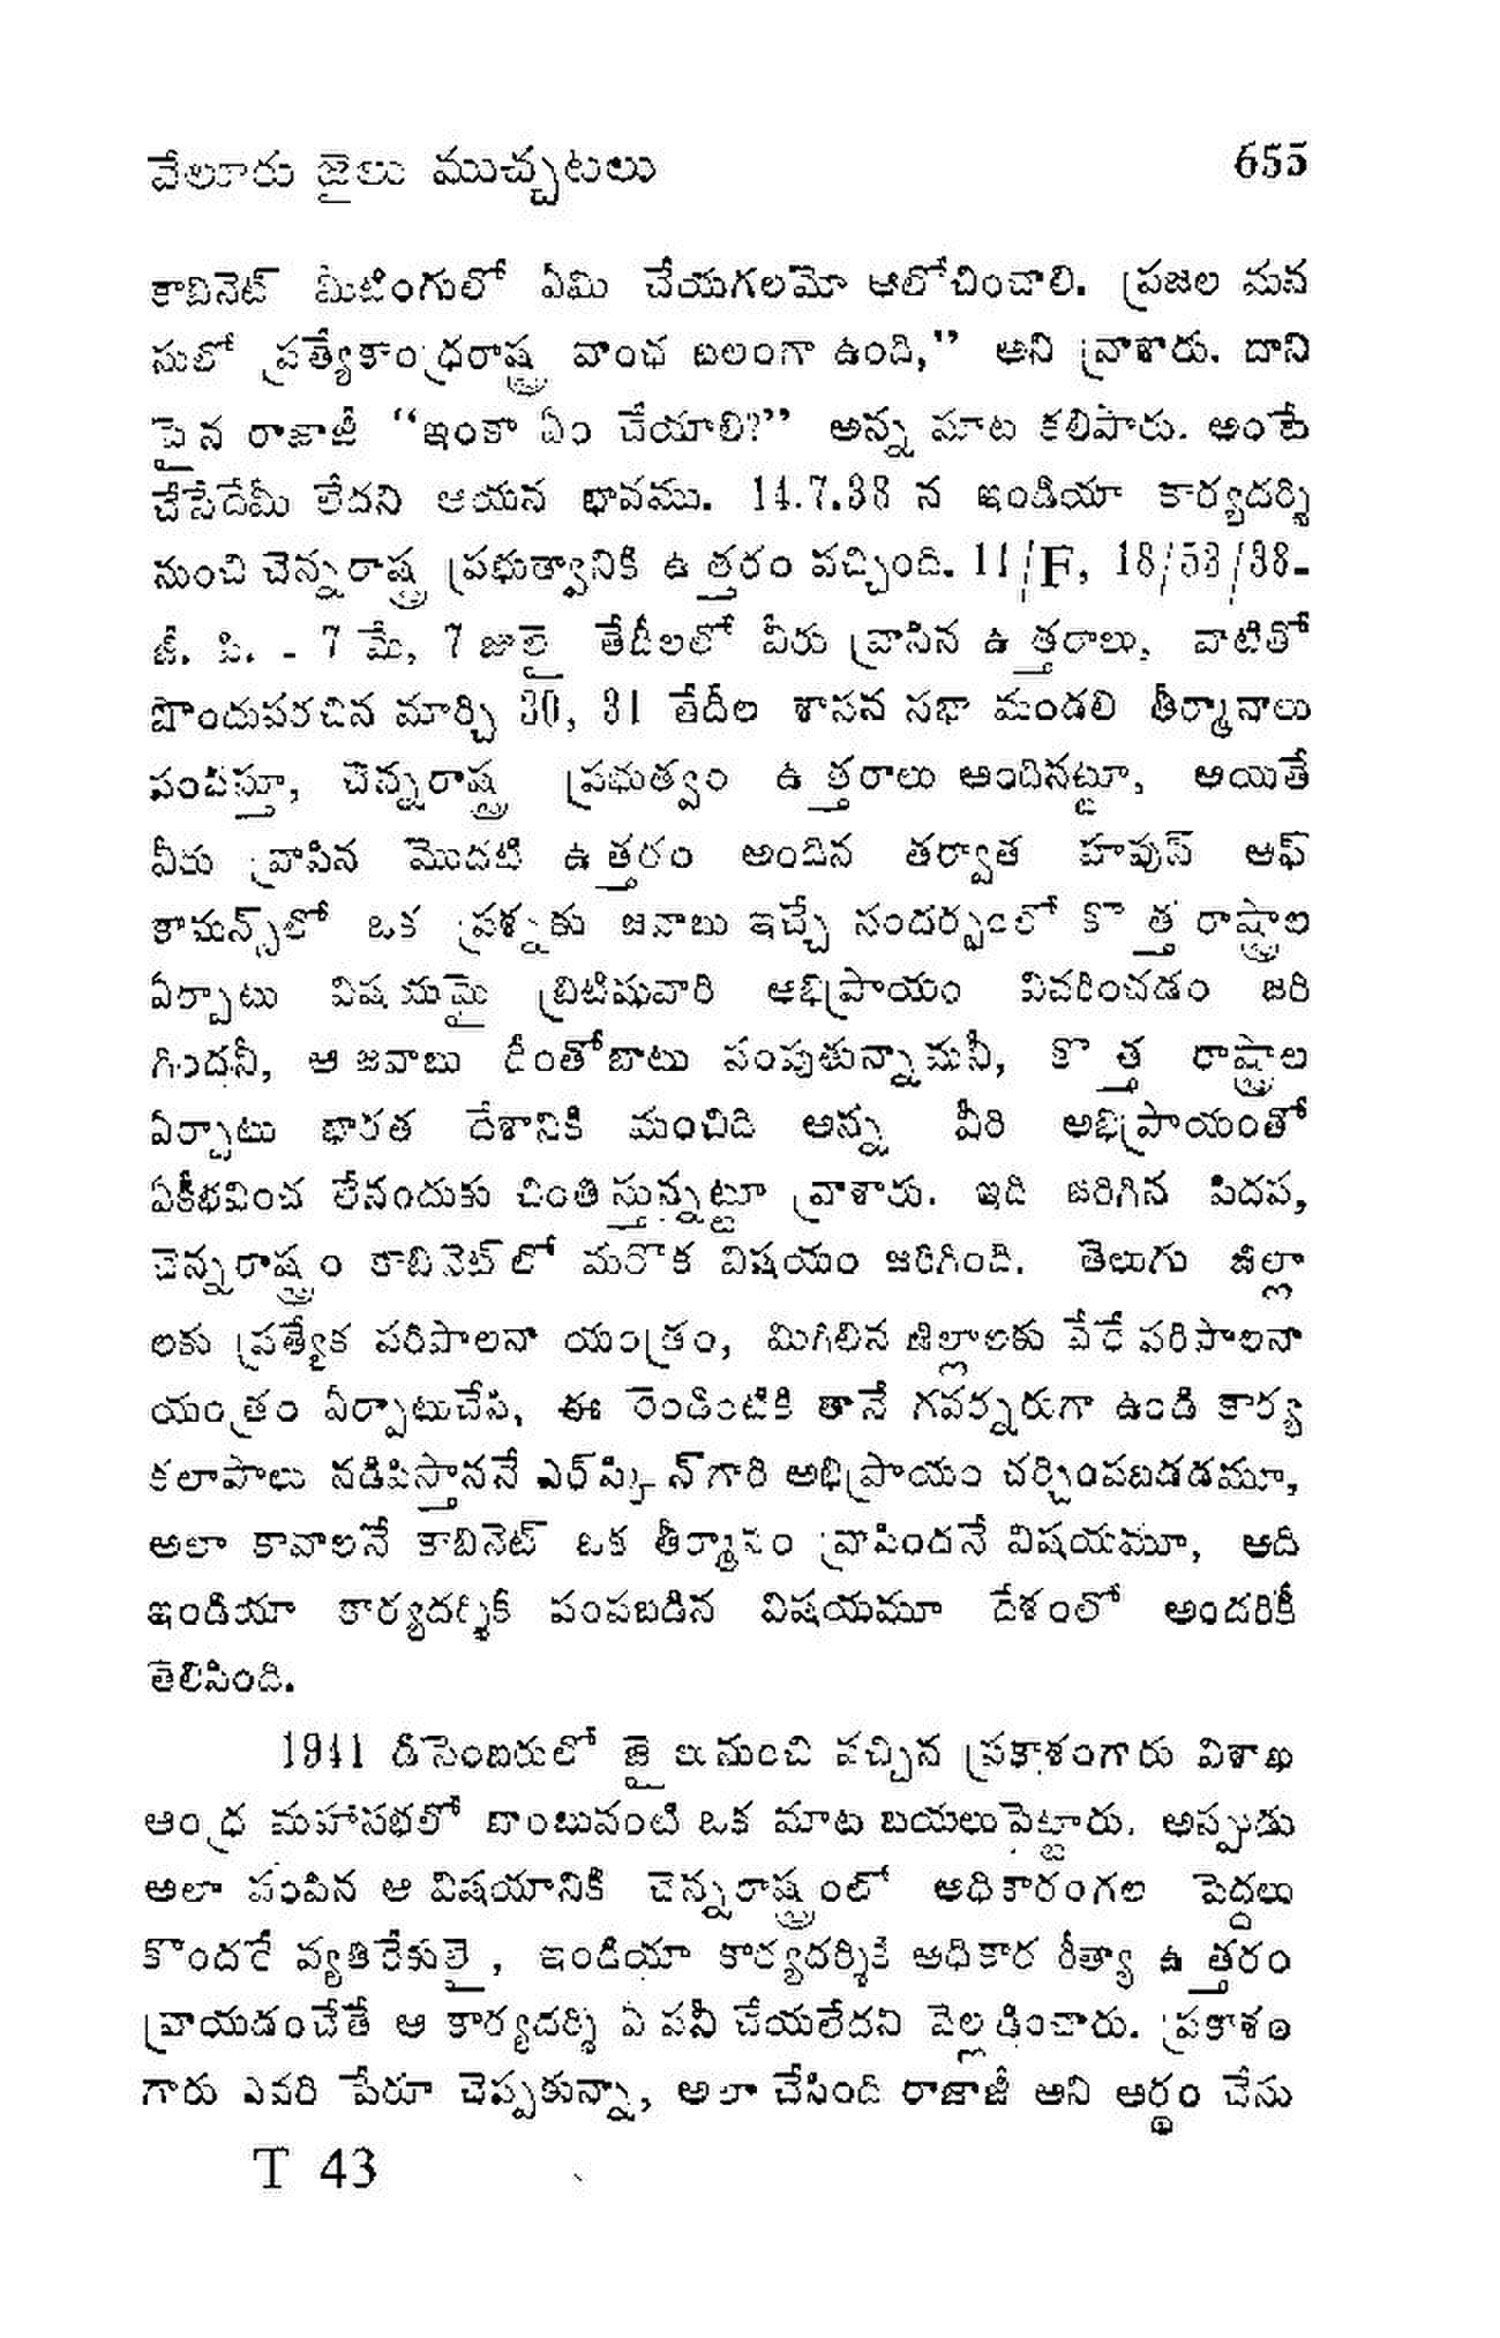కాబినెట్ మీటింగులో ఏమి చేయగలమో ఆలోచించాలి. ప్రజల మనసులో ప్రత్యేకాంధ్రరాష్ట్ర వాంఛ బలంగా ఉంది," అని వ్రాశారు. దానిపైన రాజాజీ "ఇంకా ఏం చేయాలి?" అన్న మాట కలిపారు. అంటే చేసేదేమీ లేదని ఆయన భావము. 14-7-38 న ఇండియా కార్యదర్శి నుంచి చెన్నరాష్ట్ర ప్రభుత్వానికి ఉత్తరం వచ్చింది. 11/F, 18/53/38-జీ.పి. - 7 మే, 7 జూలై తేదీలలో వీరు వ్రాసిన ఉత్తరాలు, వాటితో పొందుపరచిన మార్చి 30, 31 తేదీల శాసన సభా మండలి తీర్మానాలు పంపిస్తూ, చెన్నరాష్ట్ర ప్రభుత్వం ఉత్తరాలు అందినట్టూ, అయితే వీరు వ్రాసిన మొదటి ఉత్తరం అందిన తర్వాత హవుస్ ఆఫ్ కామన్స్‌లో ఒక ప్రశ్నకు జవాబు ఇచ్చే సందర్భంలో కొత్త రాష్ట్రాల ఏర్పాటు విషయమై బ్రిటిషువారి అభిప్రాయం వివరించడం జరిగిందనీ, ఆ జవాబు దీంతోబాటు పంపుతున్నామనీ, కొత్త రాష్ట్రాల ఏర్పాటు భారత దేశానికి మంచిది అన్న వీరి అభిప్రాయంతో ఏకీభవించ లేనందుకు చింతిస్తున్నట్టూ వ్రాశారు. ఇది జరిగిన పిదప, చెన్నరాష్ట్రం కాబినెట్‌లో మరొక విషయం జరిగింది. తెలుగు జిల్లాలకు ప్రత్యేక పరిపాలనా యంత్రం, మిగిలిన జిల్లాలకు వేరే పరిపాలనా యంత్రం ఏర్పాటుచేసి, ఈ రెండింటికి తానే గవర్నరుగా ఉండి కార్యకలాపాలు నడిపిస్తాననే ఎర్‌స్కిన్‌గారి అభిప్రాయం చర్చింప బడడమూ, అలా కావాలనే కాబినెట్ ఒక తీర్మానం వ్రాసిందనే విషయమూ, అది ఇండియా కార్యదర్శికి పంపబడిన విషయమూ దేశంలో అందరికీ తెలిసింది.

1941 డిసెంబరులో జైలునుంచి వచ్చిన ప్రకాశంగారు విశాఖ ఆంధ్ర మహాసభలో బాంబువంటి ఒక మాట బయలుపెట్టారు. అప్పుడు అలా పంపిన ఆ విషయానికి చెన్నరాష్ట్రంలో అధికారం గల పెద్దలు కొందరే వ్యతిరేకులై, ఇండియా కార్యదర్శికి అధికార రీత్యా ఉత్తరం వ్రాయడంచేతే ఆ కార్యదర్శి ఏ పనీ చేయలేదని వెల్లడించారు. ప్రకాశంగారు ఎవరి పేరూ చెప్పకున్నా, అలా చేసింది రాజాజీ అని అర్థం చేసు